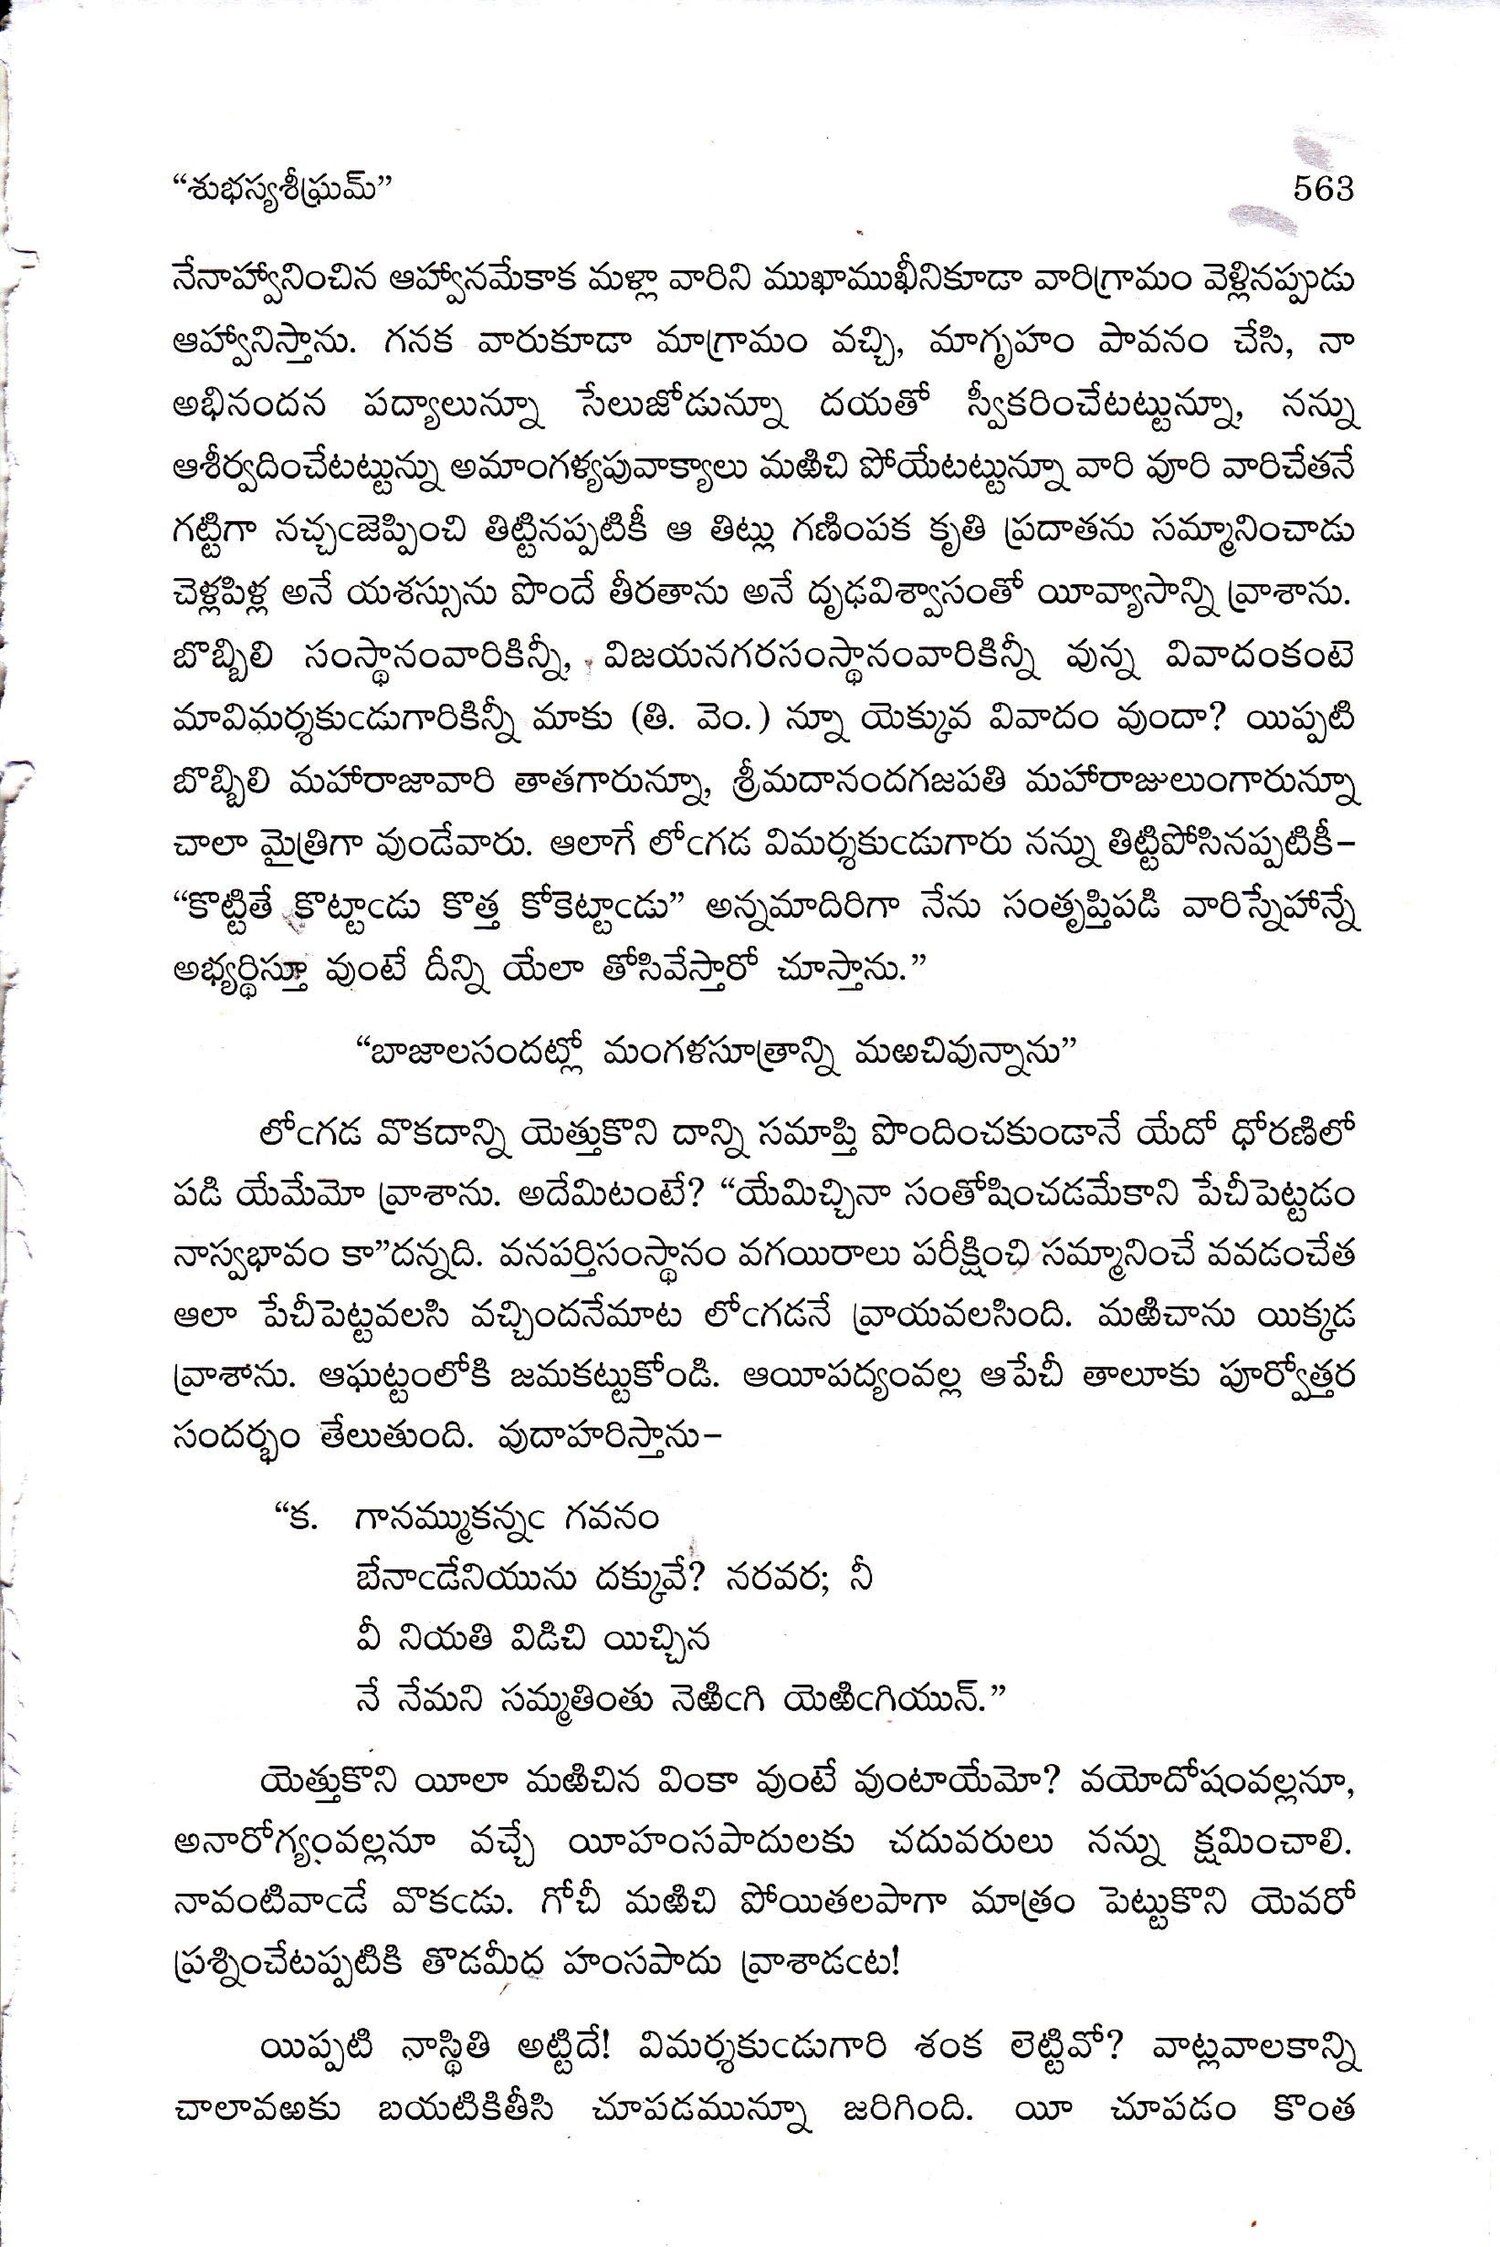నేనాహ్వానించిన ఆహ్వానమేకాక మళ్లా వారిని ముఖాముఖీనికూడా వారి గ్రామం వెళ్లినప్పుడు ఆహ్వానిస్తాను. గనక వారుకూడా మాగ్రామం వచ్చి, మాగృహం పావనం చేసి, నా అభినందన పద్యాలున్నూ సేలుజోడున్నూ దయతో స్వీకరించేటట్టున్నూ, నన్ను ఆశీర్వదించేటట్టున్ను అమాంగళ్యపువాక్యాలు మఱిచి పోయేటట్టున్నూవారి వూరి వారిచేతనే గట్టిగా నచ్చఁజెప్పించి తిట్టినప్పటికీ ఆ తిట్లు గణింపక కృతి ప్రదాతను సమ్మానించాడు చెళ్లపిళ్ల అనే యశస్సును పొందే తీరతాను అనే దృఢవిశ్వాసంతో యీవ్యాసాన్ని వ్రాశాను. బొబ్బిలి సంస్థానంవారికిన్నీ , విజయనగరసంస్థానంవారికిన్నీ వున్న వివాదంకంటె మావిమర్శకుఁడుగారికిన్నీ మాకు (తి. వెం.) న్నూ యెక్కువ వివాదం వుందా? యిప్పటి బొబ్బిలి మహారాజావారి తాతగారున్నూ, శ్రీమదానందగజపతి మహారాజులుంగారున్నూ చాలా మైత్రిగా వుండేవారు. ఆలాగే లోఁగడ విమర్శకుఁడుగారు నన్ను తిట్టిపోసినప్పటికీ “కొట్టితే కొట్టాఁడు కొత్త కోకెట్టాఁడు” అన్నమాదిరిగా నేను సంతృప్తిపడి వారిస్నేహాన్నే అభ్యర్థిస్తూ వుంటే దీన్ని యేలా తోసివేస్తారో చూస్తాను.”

“బాజాలసందట్లో మంగళసూత్రాన్ని మఱచివున్నాను"

లోఁగడ వొకదాన్ని యెత్తుకొని దాన్ని సమాప్తి పొందించకుండానే యేదో ధోరణిలో పడి యేమేమో వ్రాశాను. అదేమిటంటే? "యేమిచ్చినా సంతోషించడమేకాని పేచీపెట్టడం నాస్వభావం కా"దన్నది. వనపర్తిసంస్థానం వగయిరాలు పరీక్షించి సమ్మానించే వవడంచేత ఆలా పేచీపెట్టవలసి వచ్చిందనేమాట లోఁగడనే వ్రాయవలసింది. మఱిచాను యిక్కడ వ్రాశాను. ఆఘట్టంలోకి జమకట్టుకోండి. ఆయీపద్యంవల్ల ఆపేచీ తాలూకు పూర్వోత్తర సందర్భం తేలుతుంది. వుదాహరిస్తాను

“క్ర, గానమ్ముకన్నఁ గవనం
 బేనాఁడేనియును దక్కువే? నరవర; నీ 
 వీ నియతి విడిచి యిచ్చిన 
 నే నేమని సమ్మతింతు నెఱిఁగి యెఱిఁగియున్."
యెత్తుకొని యీలా మడిచిన వింకా వుంటే వుంటాయేమో? వయోదోషంవల్లనూ, అనారోగ్యంవల్లనూ వచ్చే యీహంసపాదులకు చదువరులు నన్ను క్షమించాలి. నావంటివాఁడే వొకcడు. గోచీ మఱిచి పోయితలపాగా మాత్రం పెట్టుకొని యెవరో ప్రశ్నించేటప్పటికి తొడమీద హంసపాదు వ్రాశాడcట!

యిప్పటి నాస్థితి అట్టిదే! విమర్శకుఁడుగారి శంక లెట్టివో? వాట్లవాలకాన్ని చాలావఱకు బయటికితీసి చూపడమున్నూ జరిగింది. యీ చూపడం కొంత